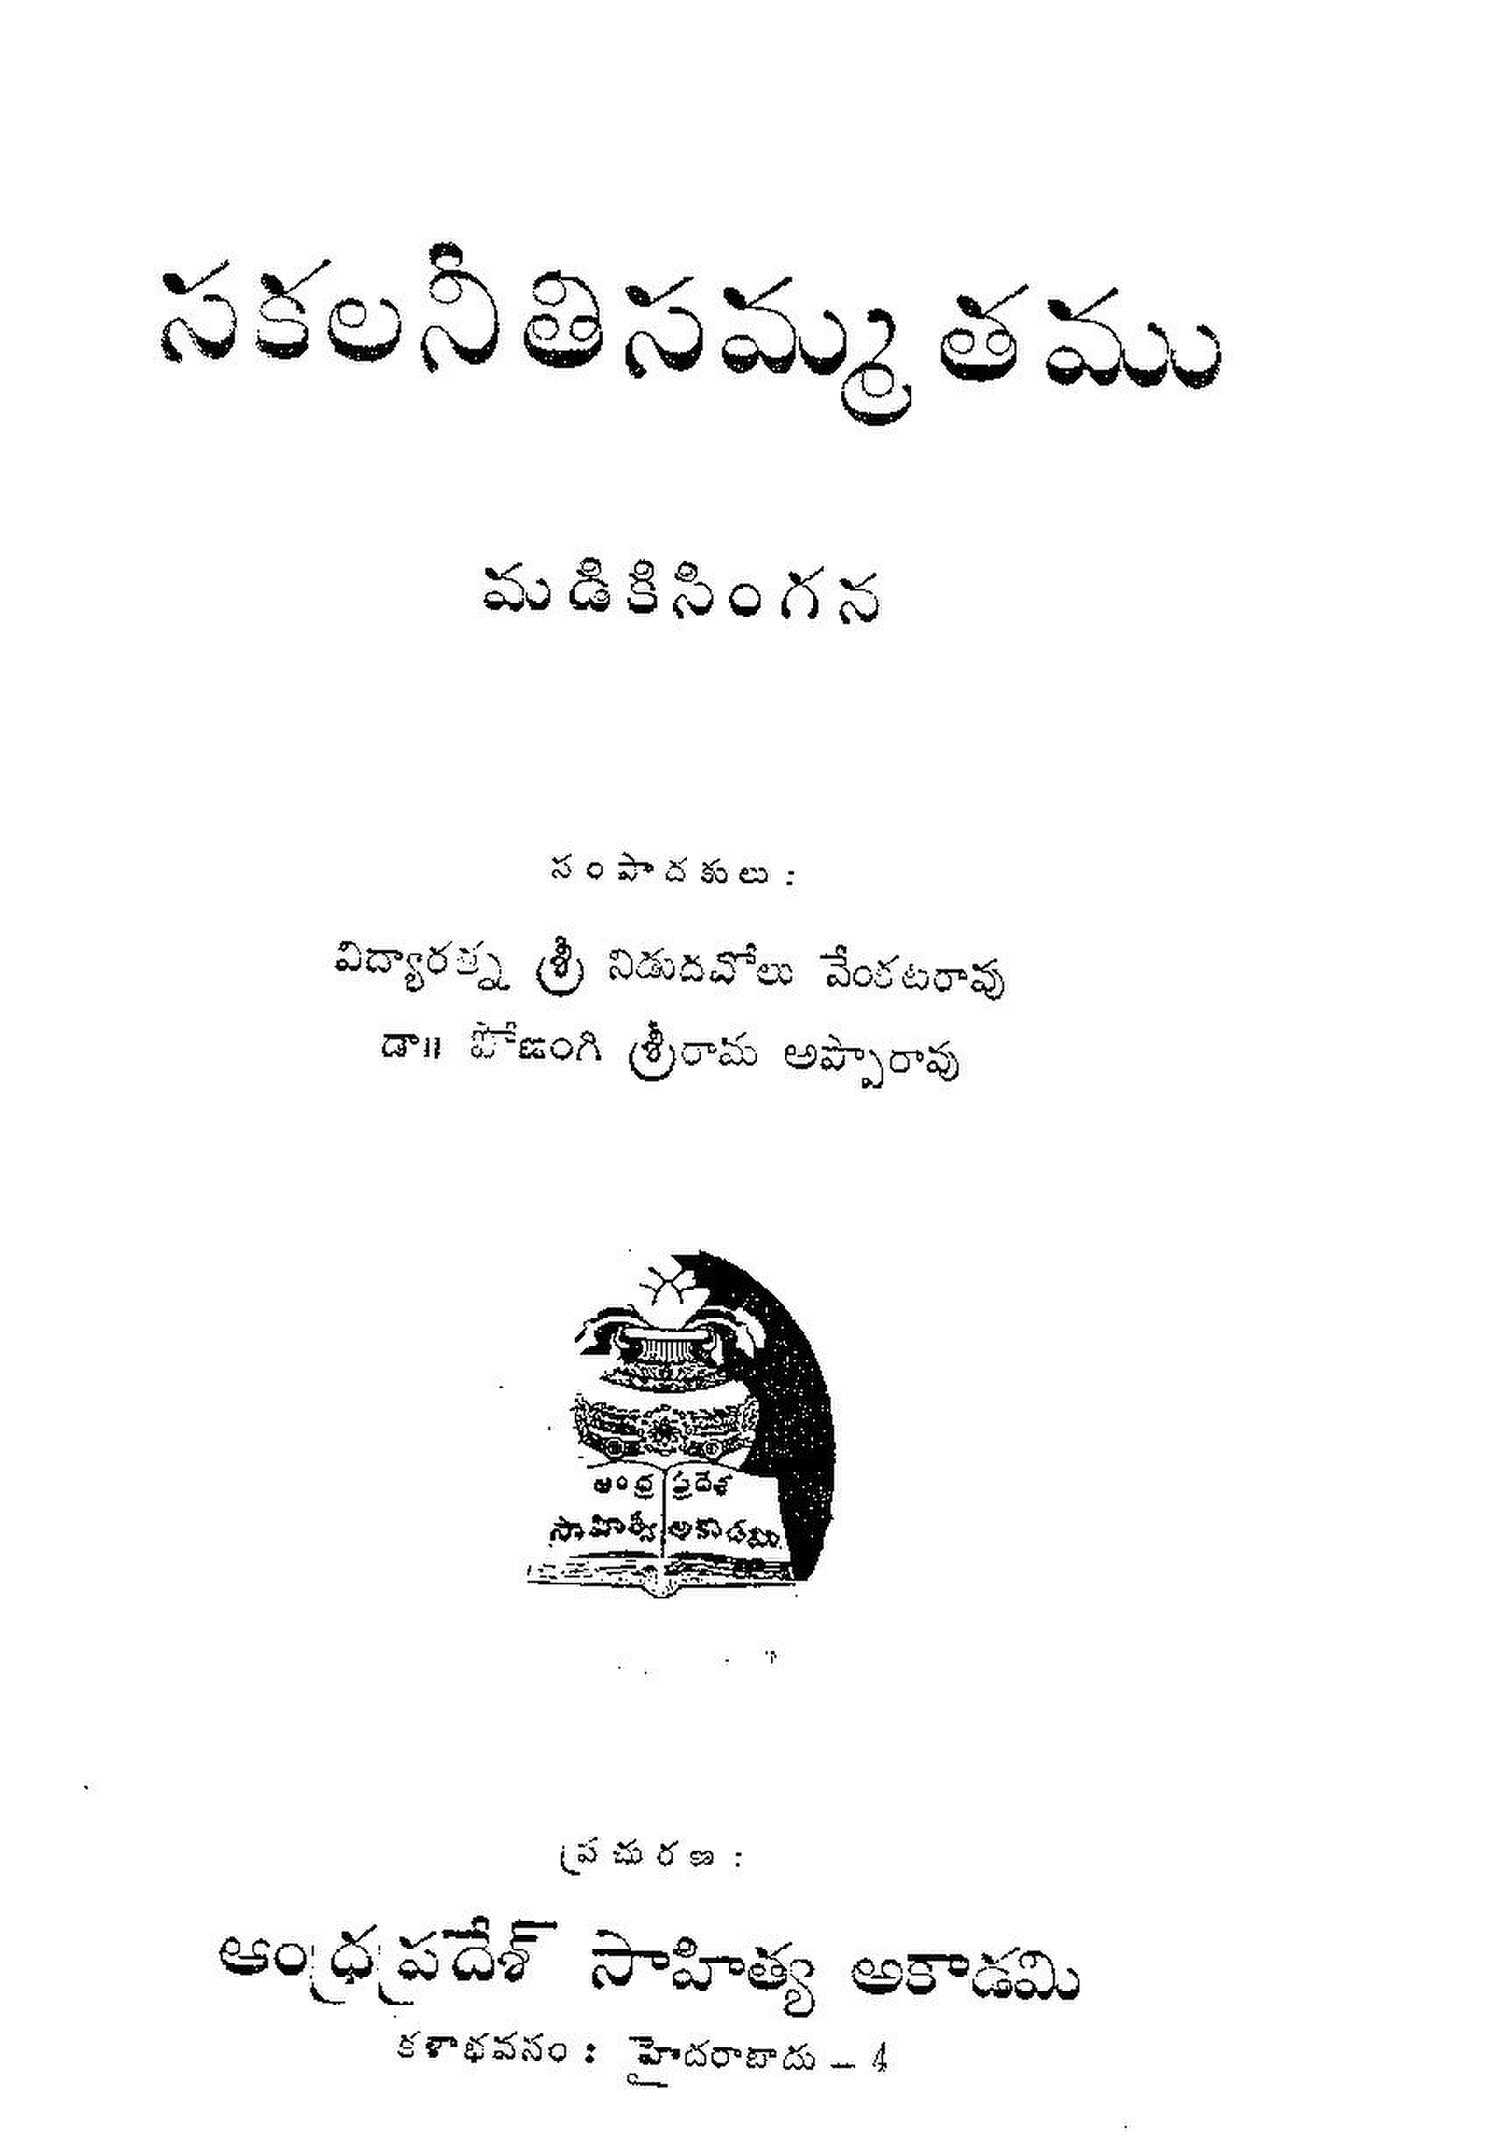సకలనీతిసమ్మతము

మడికిసింగన

సంపాదకులు :
విద్యారత్న శ్రీ నిడుదవోలు వేంకటరావు
డా|| పోణంగి శ్రీరామ అప్పారావు

ప్రచురణ :
ఆంధ్రప్రదేశ్ సాహిత్య అకాడమి
కళాభవనం : హైదరాబాదు - 4